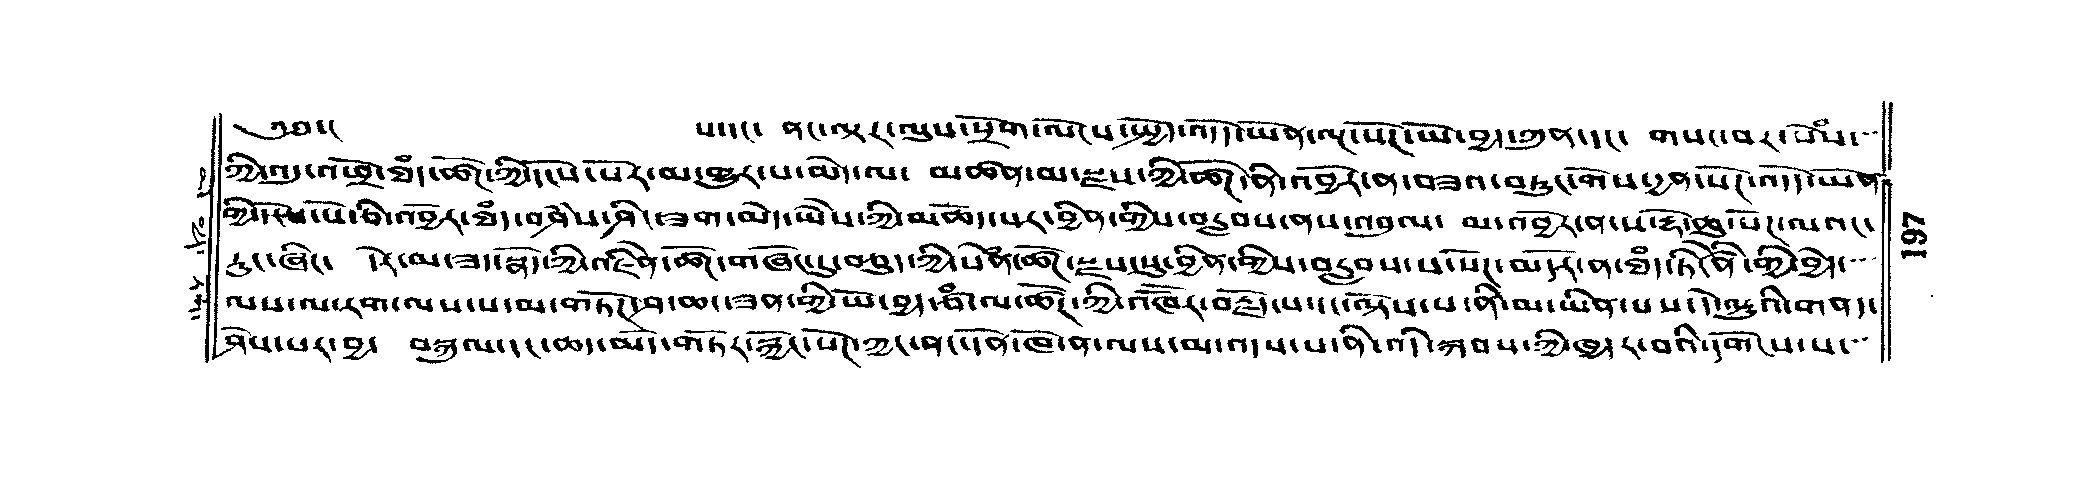པ་དང་། ནང་ལྟར་ལུས་སྲོག་ལོངས་སྤྱོད་འདོད་ཡོན་ལྔ་སོགས་ཡོ་བྱད་ཀུན་དང་།གསང་བར་ཨོཾ་
ཀྱི་འདུ་འཕྲོ་ཐམས་ཅད་ཚོགས་ཀྱི་དངོས་པོར་མ་གྱུར་པ་མེད་ལ། མཚན་མ་རྫས་ཀྱི་ཚོགས་ནི་འབྱོར་ན་བཟའ་བཏུང་གོས་རྒྱན་སོགས་འདོད་ཡོན་
གྱི་དངོས་པོ་ཅི་འབྱོར་ཐམས་ཅད་བཤམས་ཤིང་ཟག་མེད་ཡེ་ཤེས་ཀྱི་མཆོད་པར་བྱིན་གྱིས་བརླབས་ནས་འབུལ། མ་འབྱོར་ན་ས་རྡོ་ཆུ་སོགས་ལའང་
རུང་ཞིང་། དེར་མ་ཟད་སྣོད་ཀཧཡི་འཇིག་རྟེན་ཚོགས་གཞོང་དུ་བཅུད་ཀྱི་སེམས་ཅན་ཚོགས་རྫས་སུ་བྱིན་གྱིས་བརླབས་པ་སོགས་མདོར་ན་ཐམས་ཅད་ཏིང་ངེ་འཛིན་གྱི་བྱེད་
ལས་ལ་རག་ལས་པ་མ་གཏོགས་ཤ་ཆང་ཟན་གྱི་ཡོ་བྱད་ཙམ་ལ་ཚོགས་ཀྱི་འཁོར་ལོ་བརྗོད་པ་དང་ལྟོས་པ་ནི་མ་ཡིན་པས་དེ་ལྟ་བུའི་གནད་
ཤེས་པར་བྱ། བསྐུལ་དང་ཆད་མོད་གཏོར་སྐྱོང་སོགས་ཀྱང་ནང་དོན་ཁོ་ན་ལས་མ་འདས་པ་ནི་འདི་སྐབས་ཀྱི་ཁྱད་པར་བའི་དགོངས་པ་